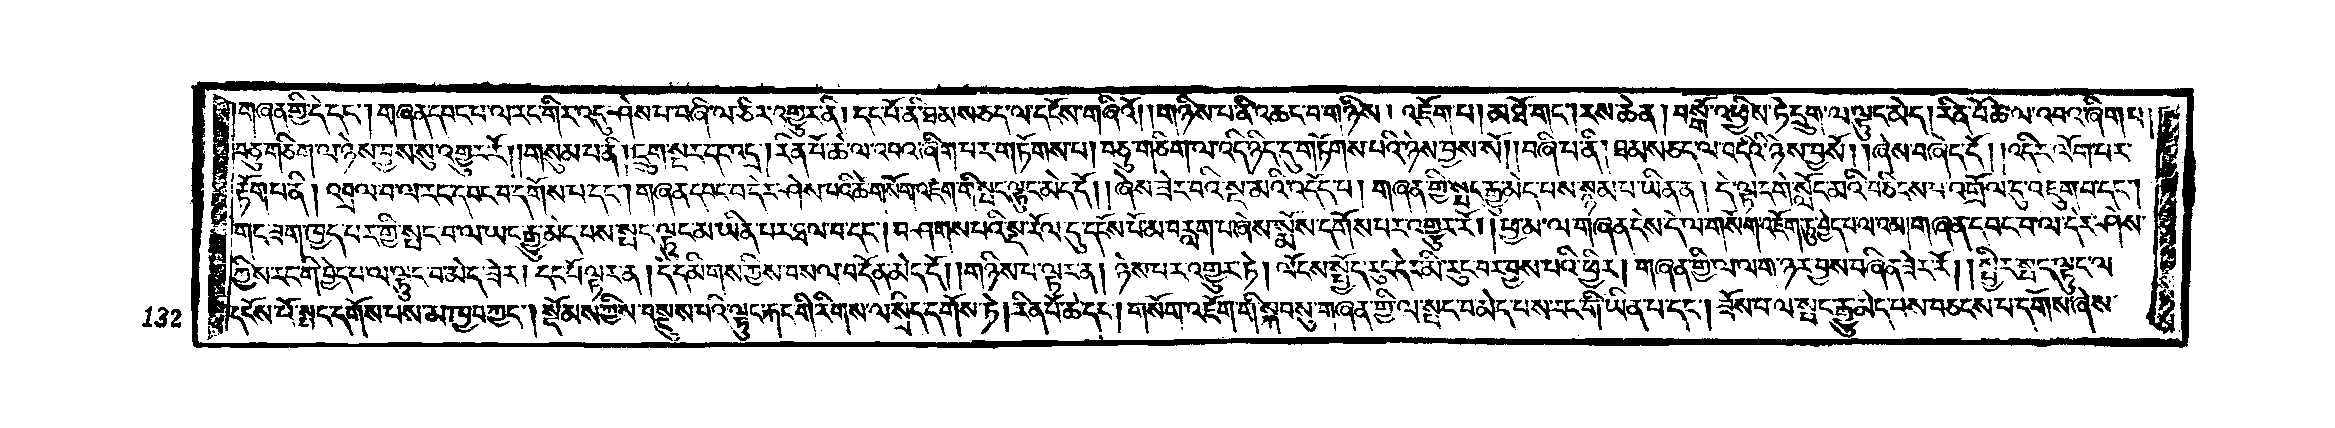གཞན་གྱི་དེ་དང་། གཞན་དབང་པ་ལ་རན་གིར་འདུ་ཤེས་པ་བཞི་ལ་ཅིར་འགྱུར་ནི། དང་པོ་ནི་ཐམས་ཅད་ལ་དངོས་གཞིའོ། །གཉིས་པ་ནི་འཆང་བ་གཉིས། འཇོག་པ། མཐོ་གང་། རས་ཆེན། བསྒོ་འཕྱིས་ཏེ་དྲུག་ལ་ལྟུང་མེད། རིན་པོ་ཆེ་ལ་འབའ་ཞིག་པ།
བཅུ་གཅིག་ལ་ཉེས་བྱས་སུ་འགྱུར་རོ། །གསུམ་པ་ནི། དྲུག་སྔར་དང་འདྲ། རིན་པོ་ཆེ་ལ་འབའ་ཞིག་པར་གཏོགས་པ། བཅུ་གཅིག་ལ་འདི་ཉིད་དུ་གཏོགས་པའི་ཉེས་བྱས་སོ། །བཞི་པ་ནི། ཐམས་ཅད་ལ་འདིའི་ཉེས་བྱ་སོ། །ཞེས་བཞེད་དོ། །འདིར་ལོག་པར་
རྟོག་པ་ནི། འབྲལ་བ་ལ་རང་དབང་བ་དགོས་པ་དང་། གཞན་དབང་བ་དེར་ཤེས་པའི་ཚེག་སོག་འཇོག་གི་སྤང་ལྟུང་མེད་དོ། །ཞེས་ཟེར་བའི་སྔ་མའི་འདོད་པ། གཞན་གྱི་སྤང་རྒྱུ་མེད་པས་སྙམ་པ་ཡིན་ན། དེ་ལྟ་དགེ་སློང་མའི་བཅིངས་པ་འགྲོལ་དུ་འཇུག་པ་དང་།
གང་ཟག་ཁྱད་པར་གྱི་སྤང་བ་ལ་ཡང་རྒྱུ་མེད་པས་སྤང་ལྟུང་མ་ཡིན་པར་ཐལ་བ་དང་། བཤགས་པའི་སྔ་རོལ་དུ་དངོས་པོ་མ་བརླག་པ་ཞེས་སྨོས་དགོས་པར་འགྱུར་རོ། །ཕྱི་མ་ལ་གཞན་ངེས་དེ་ལ་སོགས་འཇོག་ཏུ་བྱེད་པ་ལ་འམ། གཞན་དབང་བ་ལ་དེར་ཤེས་
ཀྱིས་རང་གི་བྱེད་པ་ལ་ལྟུང་བ་མེད་ཟེར། དང་པོ་ལྟར་ན། དེ་དམིགས་ཀྱིས་བསལ་བ་དོན་མེད་དོ། །གཉིས་པ་ལྟར་ན། ཉེས་པར་འགྱུར་ཏེ། ལོངས་སྤྱོད་རུང་དེར་མི་རུང་བར་བྱས་པའི་ཕྱིར། གཞན་གྱི་ལ་ལག་ཉར་བྱས་བཞིན་ཟེར་རོ། །སྤྱིར་སྤང་ལྟུང་ལ་
དངོས་པོ་སྤང་དགེས་པས་མ་ཁྱབ་ཀྱང་། སྡོམས་ཀྱིས་བསྡུས་པའི་ལྟུང་རྐང་གི་རིགས་ལ་སྲིད་དགོས་ཏེ། རིན་པོ་ཆེ་དང་། གསོག་འཇོག་གི་སྐབས་སུ་གཞན་གྱི་ལ་སྤང་བ་མེད་པས་རང་གི་ཡིན་པ་དང་། ཟོས་པ་ལ་སྤང་རྒྱུ་མེད་པས་བཅངས་པ་དགོས་ཞེས་